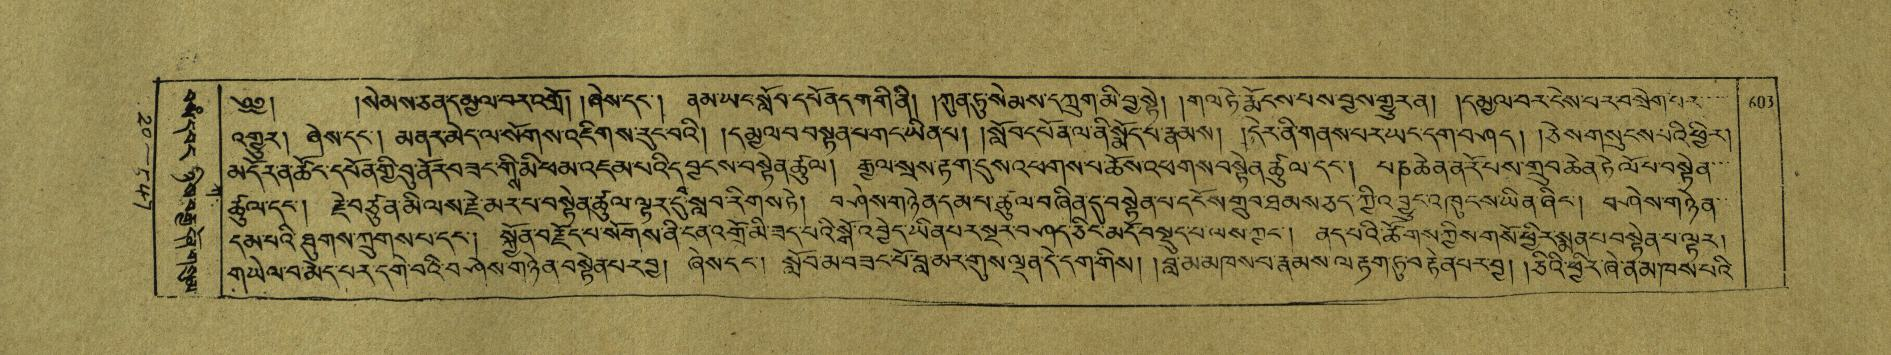༄༅། །སེམས་ཅན་དམྱལ་བར་འགྲོ། །ཞེས་དང་། ནམ་ཡང་སློབ་དཔོན་དག་གི་ནི། །ཀུན་ཏུ་སེམས་དཀྲུག་མི་བྱ་སྟེ། །གལ་ཏེ་རྨོངས་པས་བྱས་གྱུར་ན། །དམྱལ་བར་ངེས་པར་བསྲེག་པར་
འགྱུར། ཞེས་དང་། མནར་མེད་ལ་སོགས་འཇིགས་རུང་བའི། །དམྱལ་བ་བསྟན་པ་གང་ཡིན་པ། །སློབ་དཔོན་ལ་ནི་སྨོད་པ་རྣམས། །དེར་ནི་གནས་པར་ཡང་དག་བཤད། །ཅེས་གསུངས་པའི་ཕྱིར།
མདོར་ན་ཚོང་དཔོན་གྱི་བུ་ནོར་བཟང་གིས་མི་ཕམ་འཇམ་པའི་དབྱངས་བསྟེན་ཚུལ། རྒྱལ་སྲས་རྟག་དུས་འཕགས་པ་ཆོས་འཕགས་བསྟེན་ཚུལ་དང་། པཎ་ཆེན་ན་རོ་པས་གྲུབ་ཆེན་ཏེ་ལོ་པ་བསྟེན་
ཚུལ་དང་། རྗེ་བཙུན་མི་ལས་རྗེ་མར་པ་བསྟེན་ཚུལ་ལྟར་དུ་སླབ་རིགས་ཏེ། བཤེས་གཉེན་དམ་པ་ཚུལ་བཞིན་དུ་བསྟེན་པ་དངོས་གྲུབ་ཐམས་ཅད་ཀྱི་འབྱུང་འཁུངས་ཡིན་ཞིང་། བཤེས་གཉེན་
དམ་པའི་ཐུགས་ཀྲུགས་པ་དང་། སྐྱོན་བརྗོད་པ་སོགས་ནི་ངན་འགྲོ་མི་ཟད་པའི་སྒོ་འབྱེད་ཡིན་པར་སྔར་བཤད་ཅིང་མདོ་བསྡུད་པ་ལས་ཀྱང་། ནད་པའི་ཚོགས་ཀྱིས་གསོ་ཕྱིར་སྨན་པ་བསྟེན་པ་ལྟར།
གཡེལ་བ་མེད་པར་དགེ་བའི་བཤེས་གཉེན་བསྟེན་པར་བྱ། ཞེས་དང་། སློབ་མ་བཟང་པོ་བླ་མར་གུས་ལྡན་དེ་དག་གིས། །བླ་མ་མཁས་པ་རྣམས་ལ་རྟག་ཏུ་བརྟེན་པར་བྱ། །ཅིའི་ཕྱིར་ཞེ་ན་མ་ཁས་པའི་